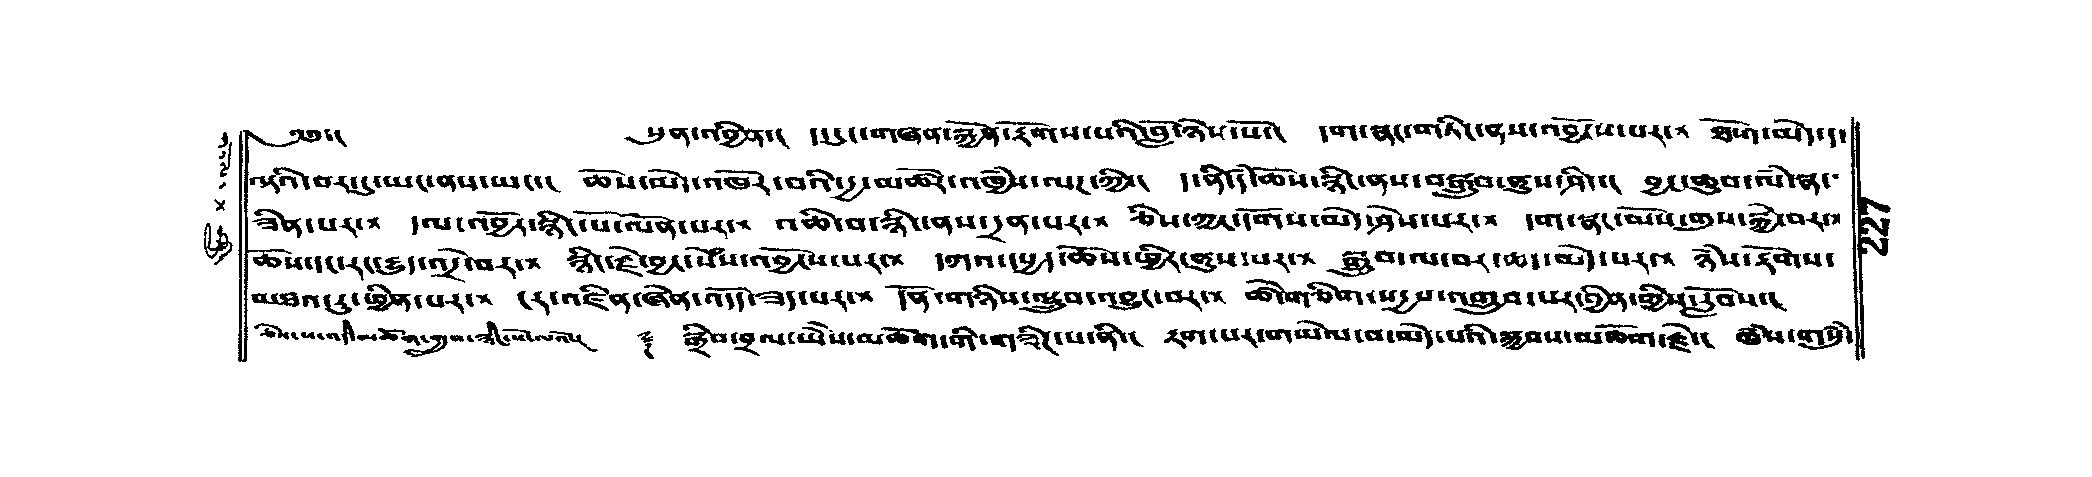སུན་འབྱིན། །ད་དུང་གཞན་སྐྱོན་རྟོག་པའི་བློ་ཉེས་པོ། །དག་སྣང་གཏིང་ནས་འབྱོངས་པར༴ །ཐོག་མེད་ད་
ལྟའི་བར་དུ་ཡང་ནས་ཡང་། །ཆོས་མེད་འཁོར་བའི་རྒྱ་མཚོར་འཁྱམས་ལགས་ཀྱི། །ད་ནི་དམ་ཆོས་སྙིང་ནས་བསྒྲུབ་ནུས་ཤིང་། །བྱང་ཆུབ་ལམ་སྣ་
ཟིན་པར༴ །དལ་འབྱོར་སྙིང་པོ་ལོན་པ༴ །འཆི་བ་སྙིང་ནས་དྲན་པར༴ །ཅིས་ཀྱང་དགོས་མེད་ཤེས་པར༴ །དག་སྣང་མོས་གུས་སྐྱེ་བར༴ །
ཆོས་དང་རང་རྒྱུད་འདྲེ་བར༴ །སྙིང་རྗེ་བྱང་སེམས་འབྱོངས་པར༴ །དཀའ་སྤྱད་ཆོས་ཕྱིར་ནུས་པར༴ །སྒྲུབ་ལ་བར་ཆད་མེད་པར༴ །ཉམས་རྟོགས་
མཐའ་རུ་ཕྱིན་པར༴ །ངར་འཛིན་ཞེན་འདོད་ཟད་པར༴ །དོན་གཉིས་ལྷུན་གྲུབ་འབྱུང་བར༴ །ཚེ་གཅིག་སངས་རྒྱས་འགྲུབ་པར་བྱིན་གྱིས་རློབས། 
ཅེས་པ་འདི་མཆོག་གྲུབ་སྙིང་པོ་ལའོ།། ༈ སྒྲིབ་བྲལ་ཡེ་ཤེས་མཆོག་གི་གཟིགས་པ་ནི། །རྟག་པར་གཡེལ་བ་མེད་པའི་སྐྱབས་མཆོག་རྗེ། །ཁམས་གསུམ་